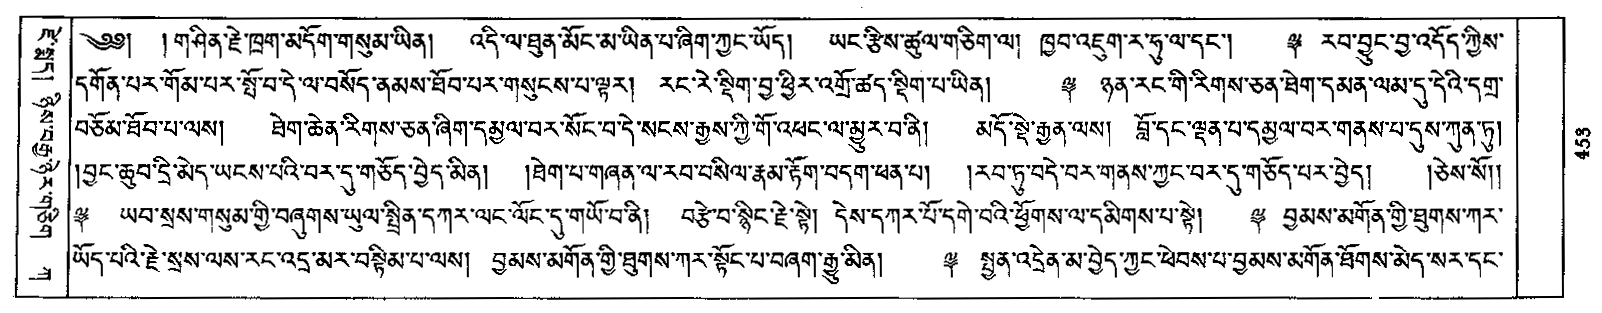༄༅། །གཤིན་རྗེ་ཁྲག་མདོག་གསུམ་ཡིན། འདི་ལ་ཐུན་མོང་མ་ཡིན་པ་ཞིག་ཀྱང་ཡོད། ཡང་རྩིས་ཚུལ་གཅིག་ལ། ཁྱབ་འཇུག་ར་ཧུ་ལ་དང་། ༈ རབ་བྱུང་བྱ་འདོད་ཀྱིས་
དགོན་པར་གོམ་པར་སྤོ་བ་དེ་ལ་བསོད་ནམས་ཐོབ་པར་གསུངས་པ་ལྟར། རང་རེ་སྡིག་བྱ་ཕྱིར་འགྲོ་ཚད་སྡིག་པ་ཡིན། ༈ ཉན་རང་གི་རིགས་ཅན་ཐེག་དམན་ལམ་དུ་དེའི་དགྲ་
བཅོམ་ཐོབ་པ་ལས། ཐེག་ཆེན་རིགས་ཅན་ཞིག་དམྱལ་བར་སོང་བ་དེ་སངས་རྒྱས་ཀྱི་གོ་འཕང་ལ་མྱུར་བ་ནི། མདོ་སྡེ་རྒྱན་ལས། བློ་དང་ལྡན་པ་དམྱལ་བར་གནས་པ་དུས་ཀུན་ཏུ།
།བྱང་ཆུབ་དྲི་མེད་ཡངས་པའི་བར་དུ་གཅོད་བྱེད་མིན། །ཐེག་པ་གཞན་ལ་རབ་བསིལ་རྣམ་རྟོག་བདག་ཕན་པ། །རབ་ཏུ་བདེ་བར་གནས་ཀྱང་བར་དུ་གཅོད་པར་བྱེད། །ཅེས་སོ།།
༈ ཡབ་སྲས་གསུམ་གྱི་བཞུགས་ཡུལ་སྤྲིན་དཀར་ལང་ལོང་དུ་གཡོ་བ་ནི། བརྩེ་བ་སྙིང་རྗེ་སྟེ། དེས་དཀར་པོ་དགེ་བའི་ཕྱོགས་ལ་དམིགས་པ་སྟེ། ༈ བྱམས་མགོན་གྱི་ཐུགས་ཀར་
ཡོད་པའི་རྗེ་སྲས་ལས་རང་འདྲ་མར་བསྟིམ་པ་ལས། བྱམས་མགོན་གྱི་ཐུགས་ཀར་སྟོང་པ་བཞག་རྒྱུ་མིན། ༈ སྤྱན་འདྲེན་མ་བྱེད་ཀྱང་ཕེབས་པ་བྱམས་མགོན་ཐོགས་མེད་སར་དང་